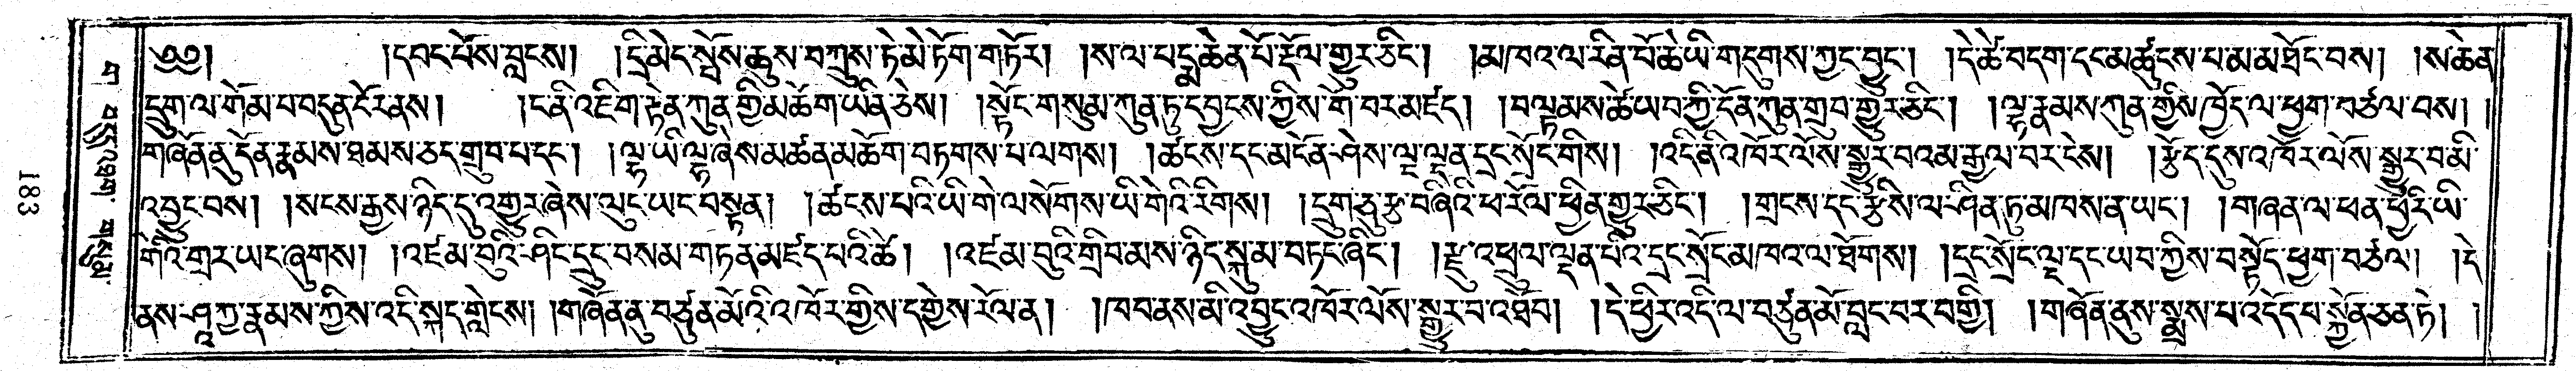༄༅། །དབང་པོས་བླངས། །དྲི་མེད་སྦོས་ཆུས་བཀྲུས་ཏེ་མེ་ཏོག་གཏོར། །ས་ལ་པདམ་ཆེན་པོ་རྡོལ་གྱུར་ཅིང་། །མཁའ་ལ་རིན་པོ་ཆེ་ཡི་གདུགས་ཀྱང་བྱུང་། །དེ་ཚེ་བདག་དང་མཚུངས་པ་མ་མཐོང་བས། །ས་ཆེན་
དྲུག་ལ་གོམ་པ་བདུན་ངོར་ནས། །ང་ནི་འཇིག་རྟེན་ཀུན་གྱི་མཆོག་ཡིན་ཅེས། །སྟོང་གསུམ་ཀུན་ཏུ་དབྱངས་ཀྱིས་གོ་བར་མཛད། །བལྟམས་ཚེ་ཡབ་ཀྱི་དོན་ཀུན་གྲུབ་གྱུར་ཅིང་། །ལྷ་རྣམས་ཀུན་གྱིས་ཁྱོད་ལ་ཕྱག་བཙལ་བས། །
གཞོན་ནུ་དོན་རྣམས་ཐམས་ཅད་གྲུབ་པ་དང་། །ལྷ་ཡི་ལྷ་ཞེས་མཚན་མཆོག་བཏགས་པ་ལགས། །ཚངས་དང་མངོན་ཤེས་ལྔ་ལྡན་དྲང་སྲོང་གིས། །འདི་ནི་འཁོར་ལོས་སྒྱུར་བའམ་རྒྱལ་བར་ངེས། །རྩོད་དུས་འཁོར་ལོས་སྒྱུར་བ་མི་
འབྱུང་བས། །སངས་རྒྱས་ཉིད་དུ་འགྱུར་ཞེས་ལུང་ཡང་བསྟན། །ཚངས་པའི་ཡི་གེ་ལ་སོགས་ཡི་གེའི་རིགས། །དྲུག་ཅུ་རྩ་བཞིའི་ཕ་རོལ་ཕྱིན་གྱུར་ཅིང་། །གྲངས་དང་རྩིས་ལ་ཤིན་ཏུ་མཁས་ན་ཡང་། །གཞན་ལ་ཕན་ཕྱིར་ཡི་
གེའི་གྲར་ཡང་ཞུགས། །འཛམ་བུའི་ཤིང་དྲུང་བསམ་གཏན་མཛད་པའི་ཚེ། །འཛམ་བུའི་གྲིབ་མས་ཉིད་སྐུ་མ་བཏང་ཞིང་། །རྫུ་འཕྲུལ་ལྡན་པའི་དྲང་སྲོང་མཁའ་ལ་ཐོགས། །དྲང་སྲོང་ལྔ་དང་ཡབ་ཀྱིས་བསྟོད་ཕྱག་བཙལ། །དེ་
ནས་ཤཱཀྱ་རྣམས་ཀྱིས་འདི་སྐད་གླེངས། །གཞོན་ནུ་བཙུན་མོའི་འཁོར་གྱིས་དགྱེས་རོལ་ན། །ཁབ་ནས་མི་འབྱུང་འཁོར་ལོས་སྒྱུར་བ་འཐོབ། །དེ་ཕྱིར་འདི་ལ་བཙུན་མོ་བླང་བར་བགྱི། །གཞོན་ནུས་སྨྲས་པ་འདོད་པ་སྐྱོན་ཅན་ཏེ། །